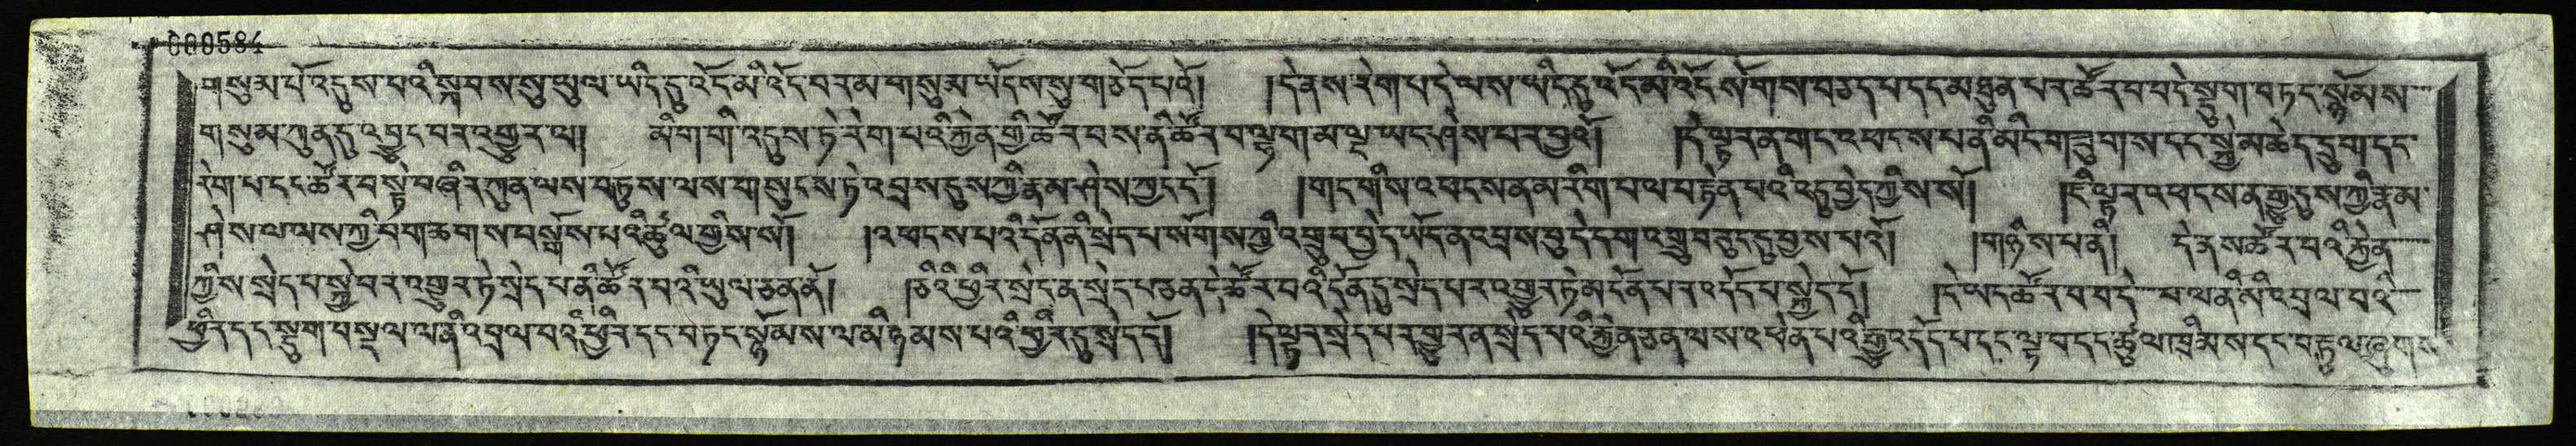གསུམ་པོ་འདུས་པའི་སྐབས་སུ་ཡུལ་ཡིད་དུ་འོང་མི་འོང་བར་མ་གསུམ་ཡོངས་སུ་གཅོད་པའོ། །དེ་ནས་རིག་པ་དེ་ལས་ཡིད་དུ་འོང་མི་འོང་སོགས་བཅད་པ་དང་མཐུན་པར་ཚོར་བ་བདེ་སྡུག་བཏང་སྙོམས་
གསུམ་ཀུན་དུ་འབྱུང་བར་འགྱུར་ལ། མིག་གི་འདུས་ཏེ་རེག་པའི་རྐྱེན་གྱི་ཚོར་བས་ནི་ཚོར་བ་ལྷག་མ་ལྔ་ཡང་ཤེས་པར་བྱའོ། །དེ་ལྟར་ན་གང་འཕངས་པ་ནི་མིང་གཟུགས་དང་སྐྱེ་མཆེད་དྲུག་དང་
རེག་པ་དང་ཚོར་བ་སྟེ་བཞིར་ཀུན་ལས་བཏུས་ལས་གསུངས་ཏེ་འབྲས་དུས་ཀྱི་རྣམ་ཤེས་ཀྱང་ངོ། །གང་གིས་འཕངས་ན་མ་རིག་པ་ལ་བརྟེན་པའི་འདུ་བྱེད་ཀྱིས་སོ། །ཇི་ལྟར་འཕངས་ན་རྒྱུ་དུས་ཀྱི་རྣམ་
ཤེས་ལ་ལས་ཀྱི་བག་ཆགས་བསྒོས་པའི་ཚུལ་གྱིས་སོ། །འཕངས་པའི་དོན་ནི་སྲེད་པ་སོགས་ཀྱི་འགྲུབ་བྱེད་ཡོད་ན་འབྲས་བུ་དེ་དག་འགྲུབ་རུང་དུ་བྱས་པའོ། །གཉིས་པ་ནི། དེ་ནས་ཚོར་བའི་རྐྱེན་
ཀྱིས་སྲེད་པ་སྐྱེ་བར་འགྱུར་ཏེ་སྲེད་པ་ནི་ཚོར་བའི་ཡུལ་ཅན་ནོ། །ཅིའི་ཕྱིར་སྲེད་ན་སྲེད་པ་ཅན་དེ་ཚོར་བའི་དོན་དུ་སྲེད་པར་འགྱུར་ཏེ་མངོན་པར་འདོད་པ་སྐྱེད་དོ། །དེ་ཡང་ཚོར་བ་བདེ་པ་ལ་ནི་མི་འབྲལ་བའི་
ཕྱིར་དང་སྡུག་བསྔལ་ལ་ནི་འབྲལ་བའི་ཕྱིར་དང་བཏང་སྙོམས་ལ་མི་ཉམས་པའི་ཕྱིར་དུ་སྲེད་དོ། །དེ་ལྟར་སྲེད་པར་གྱུར་ན་སྲེད་པའི་རྐྱེན་ཅན་ལས་འཕེན་པའི་རྒྱུ་འདོད་པ་དང་ལྟ་བ་དང་ཚུལ་ཁྲིམས་དང་བརྟུལ་ཞུགས་